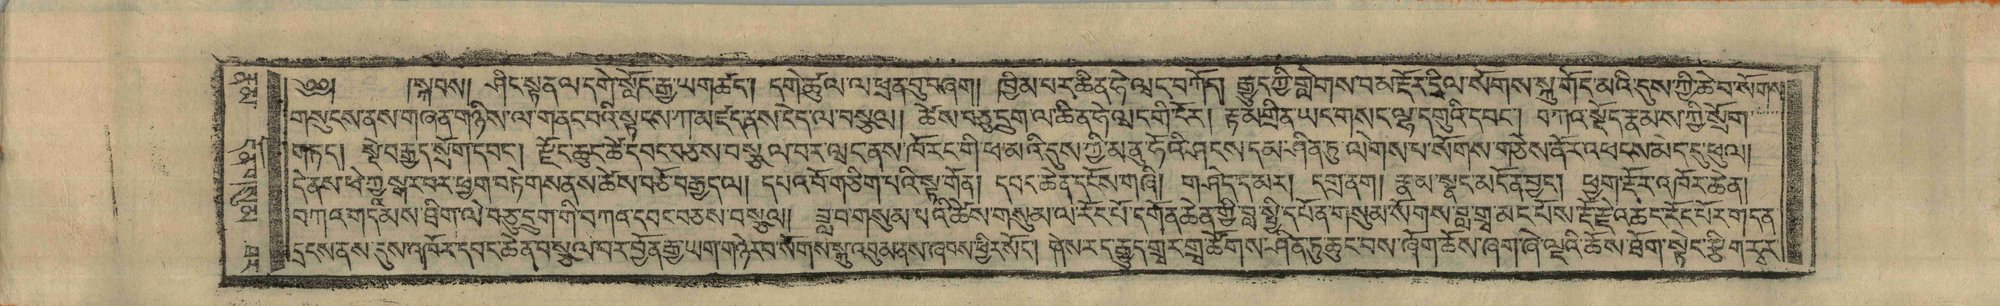༄༅། །སྐབས། ཤིང་སྟན་ལ་དགེ་སློང་རྒྱ་ཡག་ཚང་། དགེ་ཚུལ་ལ་ཕྲན་བུ་བཞག །ཁྱིམ་པར་ཆིན་ཧེ་ཝང་བཀོད། རྒྱུད་ཀྱི་གླེགས་བམ་རྡོར་དྲིལ་སོགས་སྐུ་གོང་མའི་དུས་ཀྱི་ཆེ་བ་སོགས་
གསུངས་ནས་གཞན་གཉིས་ལ་གནང་བའི་སྟངས་ཀ་མཛད་ནས་ངེད་ལ་བསྩལ། ཚེས་བཅུ་དྲུག་ལ་ཆིན་ཧེ་ཝང་གི་ངོར། རྟ་མགྲིན་ཡང་གསང་ལྷ་དགུའི་དབང་། བཀའ་སྡོད་རྣམས་ཀྱི་སྲོག་
གཏད། སྡེ་བརྒྱད་སྲོག་དབང་། རྫོང་ཆུང་ཚེ་དབང་བཅས་བསྩལ་བར་ཝང་ནས་ཁོ་རང་གི་ཕ་མའི་དུས་ཀྱི་མ་ནུ་ཧོའི་ཤངས་དམ་ཤིན་ཏུ་ལེགས་པ་སོགས་གཅེས་ནོར་འཕངས་མེད་དུ་ཕུལ།
དེ་ནས་ཕེ་ཀྱཱ་སྒར་བར་ཕྱག་བཏེགས་ནས་ཚེས་བཅོ་བརྒྱད་ལ། དཔའ་བོ་གཅིག་པའི་སྟ་གོན། དབང་ཆེན་དངོས་གཞི། གཤེད་དམར། དགྲ་ནག །རྣམ་སྣང་མངོན་བྱང་། ཕྱག་རྡོར་འཁོར་ཆེན། བཀའ་གདམས་ཐིག་ལེ་བཅུ་དྲུག་གི་བཀའ་དབང་བཅས་བསྩལ། ཟླ་བ་གསུམ་པའི་ཚེས་གསུམ་ལ་རོང་པོ་དགོན་ཆེན་གྱི་བླ་སྤྱི་དཔོན་གསུམ་སོགས་བླ་གྲྭ་མང་པོས་རྡོ་རྗེ་འཆང་རོང་པོར་གདན་
དྲངས་ནས་དུས་འཁོར་དབང་ཆེན་བསྩལ་བར་བྱོན་རྒྱ་ཡག་གཉེར་བ་སོགས་སྐུ་འབུམ་ནས་ཞབས་ཕྱིར་སོང་། དེ་ནས་རང་རྒྱུད་གྲྭར་གྲྭ་ཚོགས་ཤིན་ཏུ་ཆུང་བས་ཞོག་ཆོས་ཞག་ཞེ་ལྔའི་ཆོས་ཐོག་སྟེང་རྩིག་རྭར་